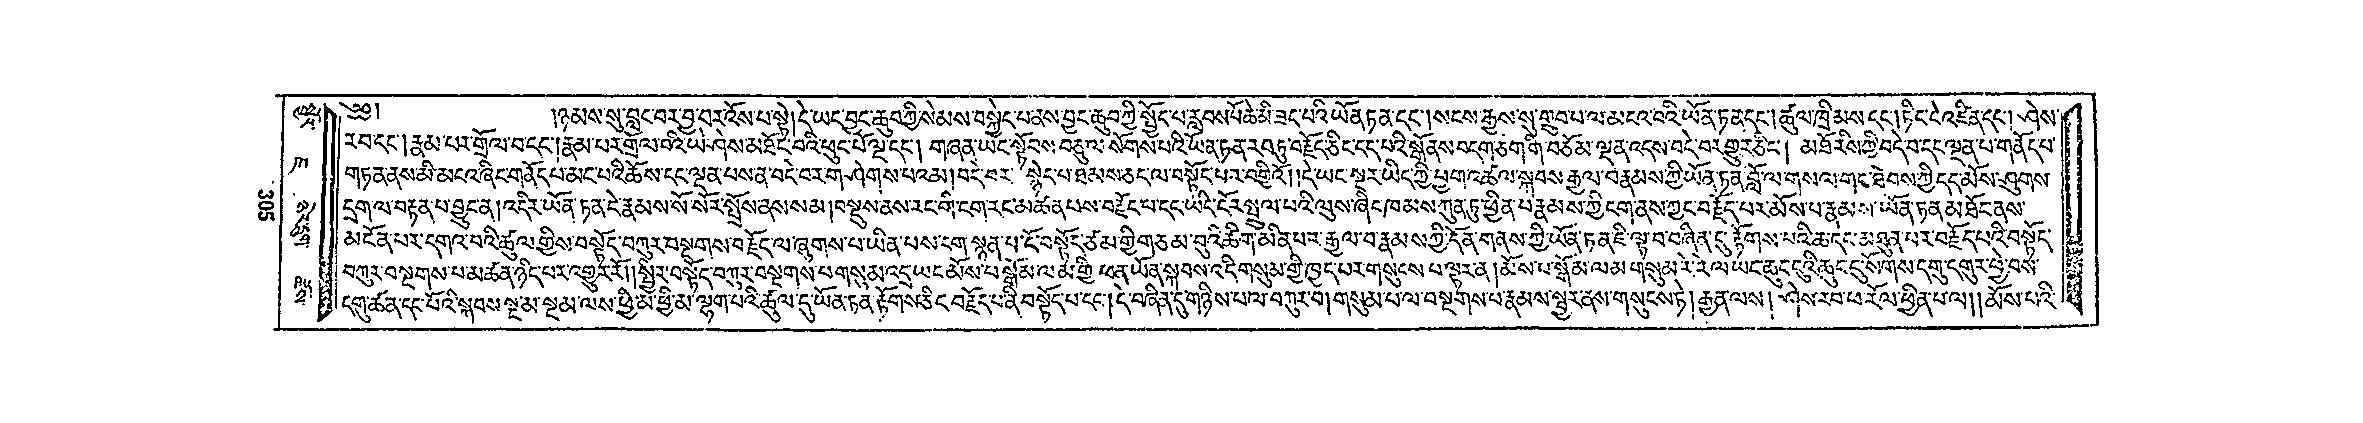༄༅། །ཉམས་སུ་བླང་བར་བྱ་བར་འོས་པ་སྟེ། དེ་ཡང་བྱང་ཆུབ་ཀྱི་སེམས་བསྐྱེད་པ་ནས་བྱང་ཆུབ་ཀྱི་སྤྱོད་པ་རླབས་པོ་ཆེ་མི་ཟད་པའི་ཡོན་ཏན་དང་། སངས་རྒྱས་སུ་གྲུབ་པ་ལ་མངའ་བའི་ཡོན་ཏན་དང་། ཚུལ་ཁྲིམས་དང་། ཏིང་ངེ་འཛིན་དང་། ཤེས་
རབ་དང་། རྣམ་པར་གྲོལ་བ་དང་། རྣམ་པར་གྲོལ་བའི་ཡེ་ཤེས་མཐོང་བའི་ཕུང་པོ་ལྔ་དང་། གཞན་ཡང་སྟོབས་བཅུ་ལ་སོགས་པའི་ཡོན་ཏན་རབ་ཏུ་བརྗོད་ཅིང་དད་པའི་སྒོ་ནས་བདག་ཅག་གི་བཅོམ་ལྡན་འདས་བདེ་བར་གྱུར་ཅིང་། མཐོ་རིས་ཀྱི་བདེ་བ་དང་ལྡན་པ་གནོད་པ་
གཏན་ནས་མི་མངའ་ཞིང་གནོད་པ་མང་པའི་ཆོས་དང་ལྡན་པས་ན་བདེ་བར་གཤེགས་པའམ། བདེ་བར་སྙེད་པ་ཐམས་ཅད་ལ་བསྟོད་པར་བགྱིའོ། །དེ་ཡང་སྔར་ཡིད་ཀྱི་ཕྱག་འཚལ་སྐབས་རྒྱལ་བ་རྣམས་ཀྱི་ཡོན་ཏན་བློ་ལ་གསལ་གང་ཐེབས་ཀྱི་དད་མོས་ཤུགས་
དྲག་ལ་བརྟན་པ་བྱུང་ན། འདིར་ཡོན་ཏན་དེ་རྣམས་སོ་སོར་སྤྲོས་ནས་སམ། བསྡུས་ནས་རང་གི་ངག་རང་མཚན་པས་བརྗོད་པ་དང་ཡིད་ངོར་སྤྲུལ་པའི་ལུས་ཞིང་ཁམས་ཀུན་ཏུ་ཕྱིན་པ་རྣམས་ཀྱི་ངག་ནས་ཀྱང་བརྗོད་པར་མོས་པ་རྣམས་ཡོན་ཏན་མཐོང་ནས་
མངོན་པར་དགའ་བའི་ཚུལ་གྱིས་བསྟོད་བཀུར་བསྔགས་བརྗོད་ལ་ཞུགས་པ་ཡིན་པས་ངག་སྙན་པ་ངོ་བསྟོད་ཙམ་གྱི་གཅམ་བུའི་ཚིག་མིན་པར་རྒྱལ་བ་རྣམས་ཀྱི་དོན་གནས་ཀྱི་ཡོན་ཏན་ཇི་ལྟ་བ་བཞིན་དུ་རྟོགས་པའི་ཆ་དང་མཐུན་པར་བརྗོད་པའི་བསྟོད་
བཀུར་བསྔགས་པ་མཚན་ཉིད་པར་འགྱུར་རོ། །སྤྱིར་བསྟོད་བཀུར་བསྔགས་པ་གསུམ་འདྲ་ཡང་མོས་པ་སྒོམ་ལམ་གྱི་ཕན་ཡོན་སྐབས་འདི་གསུམ་གྱི་ཁྱད་པར་གསུངས་པ་ལྟར་ན། མོས་པ་སྒོམ་ལམ་གསུམ་རེ་རེ་ལ་ཡང་ཆུང་ངུའི་ཆུང་ངུ་སོགས་དགུ་དགུར་ཕྱེ་བས་
དགུ་ཚན་དང་པོའི་སྐབས་སྔ་མ་སྔ་མ་ལས་ཕྱི་མ་ཕྱི་མ་ལྷག་པའི་ཚུལ་དུ་ཡོན་ཏན་རྟོགས་ཅིང་བརྗོད་པ་ནི་བསྟོད་པ་དང་། དེ་བཞིན་དུ་གཉིས་པ་ལ་བཀུར་བ། གསུམ་པ་ལ་བསྔགས་པ་རྣམས་སྦྱར་ནས་གསུངས་ཏེ། རྒྱན་ལས། ཤེས་རབ་ཕ་རོལ་ཕྱིན་པ་ལ། །མོས་པའི་